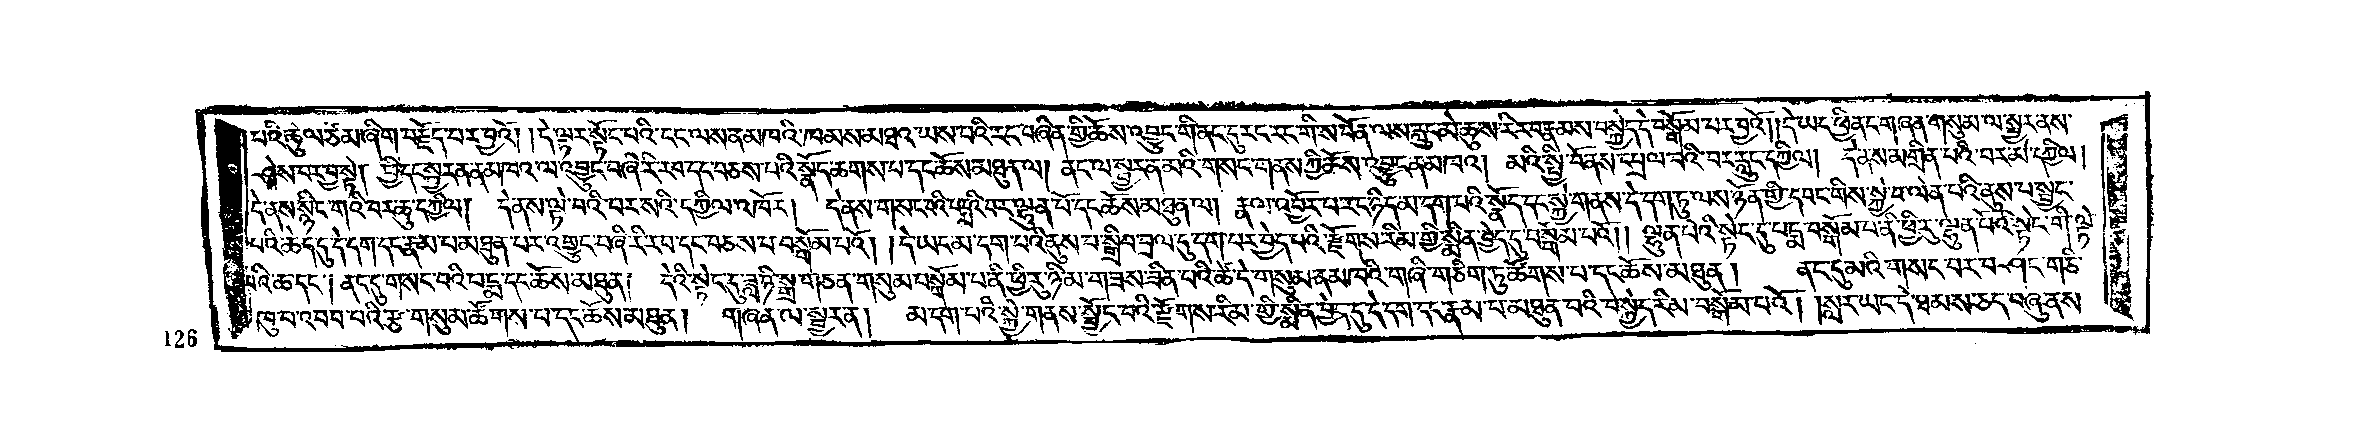པའི་ཚུལ་ཙམ་ཞིག་བརྗོད་པར་བྱའོ། །དེ་ལྟར་སྟོང་པའི་ངང་ལས་ནམ་མཁའི་ཁམས་མཐའ་ཡས་པའི་རང་བཞིན་གྱི་ཆོས་འབྱུང་གི་ནང་དུ་རང་རང་གི་ས་བོན་ལས་རླུང་མེ་ཆུ་ས་རི་རབ་རྣམས་བསྐྱེད་དེ་བསྒོམ་པར་བྱའོ། །དེ་ཡང་ཕྱི་ནང་གཞན་གསུམ་ལ་སྦྱར་ནས་
ཤེས་པར་བྱ་སྟེ། ཕྱི་དང་སྦྱར་ན་ནམ་མཁའ་ལ་འབྱུང་བཞི་རི་རབ་དང་བཅས་པའི་སྣོད་ཆགས་པ་དང་ཆོས་མཐུན་ལ། ནང་ལ་སྦྱར་ན་མའི་གསང་གནས་ཀྱི་ཆོས་འབྱུང་ནམ་མཁའ། མའི་སྤྱི་བོ་ནས་དཔྲལ་བའི་བར་རླུང་དཀྱིལ། དེ་ནས་མགྲིན་པའི་བར་མེ་དཀྱིལ།
དེ་ནས་སྙིང་གའི་བར་ཆུ་དཀྱིལ། དེ་ནས་ལྟེ་བའི་བར་སའི་དཀྱིལ་འཁོར། དེ་ནས་གསང་བའི་པདམའི་བར་ལྷུན་པོ་དང་ཆོས་མཐུན་ལ། རྣལ་འབྱོར་པ་རྣག་ཉིད་མ་དག་པའི་སྣོད་དང་སྐྱེ་གནས་དེ་དག་ཏུ་ལས་ཉོན་གྱི་དབང་གིས་སྐྱེ་བ་ལེན་པའི་ནུས་པ་སྦྱང་
བའི་ཆེད་དུ་དེ་དག་དང་རྣམ་པ་མཐུན་པར་འབྱུང་བཞི་རི་རབ་དང་བཅས་པ་བསྒོམ་པའོ། །དེ་ཡང་མ་དག་པའི་ནུས་པ་སྒྲིབ་བྲལ་དུ་དག་པར་བྱེད་པའི་རྫོགས་རིམ་གྱི་སྨིན་བྱེད་དུ་བསྒོམ་པའོ། །ལྷུན་པའི་སྟེང་དུ་པདམ་བསྒོམ་པ་ནི་ཕྱི་རུ་ལྷུན་པོའི་སྟེང་གི་ལྟེ་
བའི་ཆ་དང་། ནང་དུ་གསང་བའི་པདམ་དང་ཆོས་མཐུན། དེའི་སྟེང་དུ་ཟླ་ཉི་སྒྲ་གཅན་གསུམ་བསྒོམ་པ་ནི་ཕྱི་རུ་ཉི་མ་གཟས་ཟིན་པའི་ཚེ་དེ་གསུམ་ནམ་མཁའི་གཞི་གཅིག་ཏུ་ཚོགས་པ་དང་ཆོས་མཐུན། ནང་དུ་མའི་གསང་བར་བཤད་གཅི་
ཁུ་བ་འབབ་པའི་རྩ་གསུམ་ཚོགས་པ་དང་ཆོས་མཐུན། གཞན་ལ་སྦྱར་ན། མ་དག་པའི་སྐྱེ་གནས་སྦྱོང་བའི་རྫོགས་རིམ་གྱི་སྨིན་བྱེད་དུ་དེ་དག་དང་རྣམ་པ་མཐུན་པའི་བསྐྱེད་རིམ་བསྒོམ་པའོ། །སླར་ཡང་དེ་ཐམས་ཅད་བཞུ་ནས་